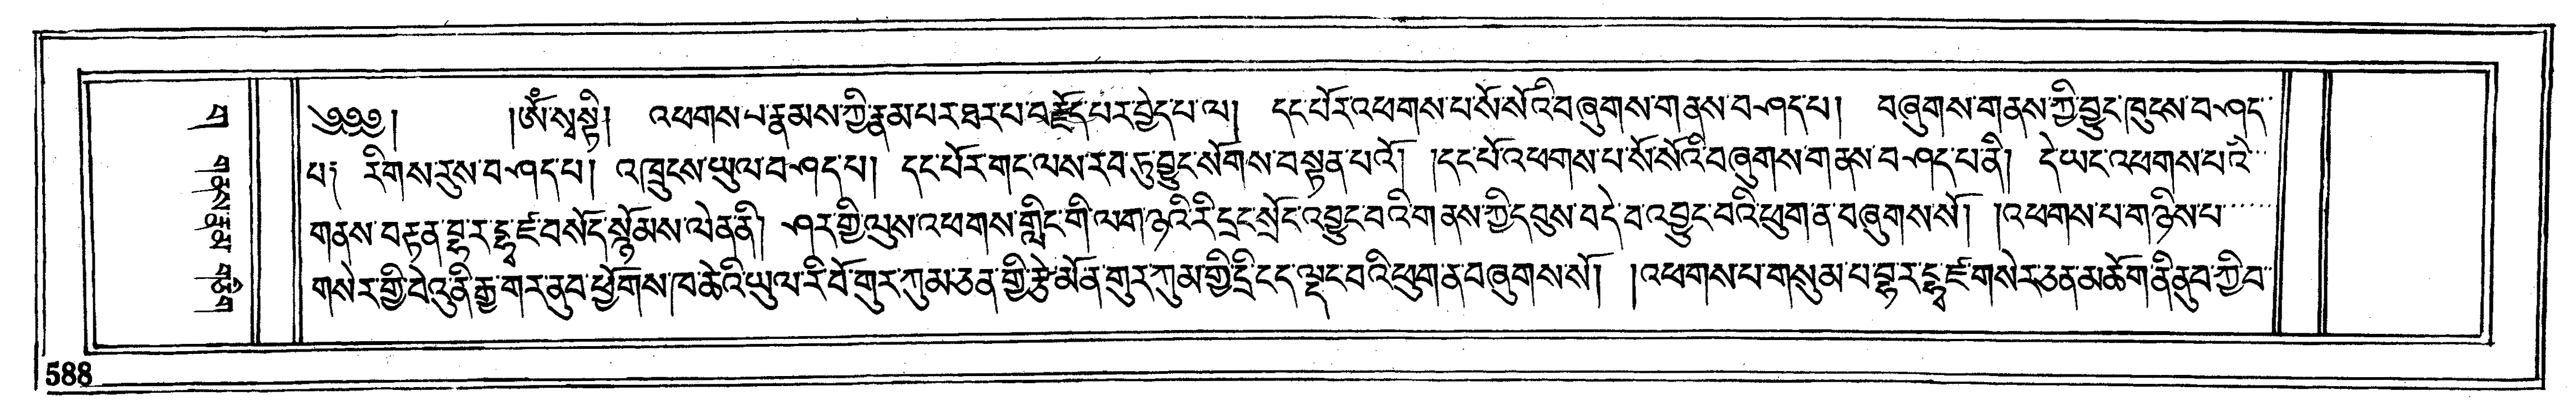༄༅༅། །ཨོཾ་སྭ་སྟི། འཕགས་པ་རྣམས་ཀྱི་རྣམ་པར་ཐར་པ་བརྗོད་པར་བྱེད་པ་ལ། དང་པོར་འཕགས་པ་སོ་སོའི་བཞུགས་གནས་བཤད་པ། བཞུགས་གནས་ཀྱི་བྱུང་ཁུངས་བཤད་
པ༑ རིགས་རུས་བཤད་པ། འཁྲུངས་ཡུལ་བཤད་པ། དང་པོར་གང་ལས་རབ་ཏུ་བྱུང་སོགས་བསྟན་པའོ། །དང་པོ་འཕགས་པ་སོ་སོའི་བཞུགས་གནས་བཤད་པ་ནི། དེ་ཡང་འཕགས་པའི་
གནས་བརྟན་བྷ་ར་དྷྭ་ཛ་བསོད་སྙོམས་ལེན་ནི། ཤར་གྱི་ལུས་འཕགས་གླིང་གི་ལག་ཉའི་རི་དྲང་སྲོང་འབྱུང་བའི་གནས་ཀྱི་དབུས་བདེ་བ་འབྱུང་བའི་ཕུག་ན་བཞུགས་སོ། །འཕགས་པ་གཉིས་པ་
གསེར་གྱི་བེའུ་ནི་རྒྱ་གར་ནུབ་ཕྱོགས་ཁ་ཆེའི་ཡུལ་རི་བོ་གུར་ཀུམ་ཅན་གྱི་རྩེ་མོན་གུར་ཀུམ་གྱི་དྲི་ངད་ལྡང་བའི་ཕུག་ན་བཞུགས་སོ། །འཕགས་པ་གསུམ་པ་བྷ་ར་དྷྭ་ཛ་གསེར་ཅན་མཆོག་ནི་ནུབ་ཀྱི་པ་